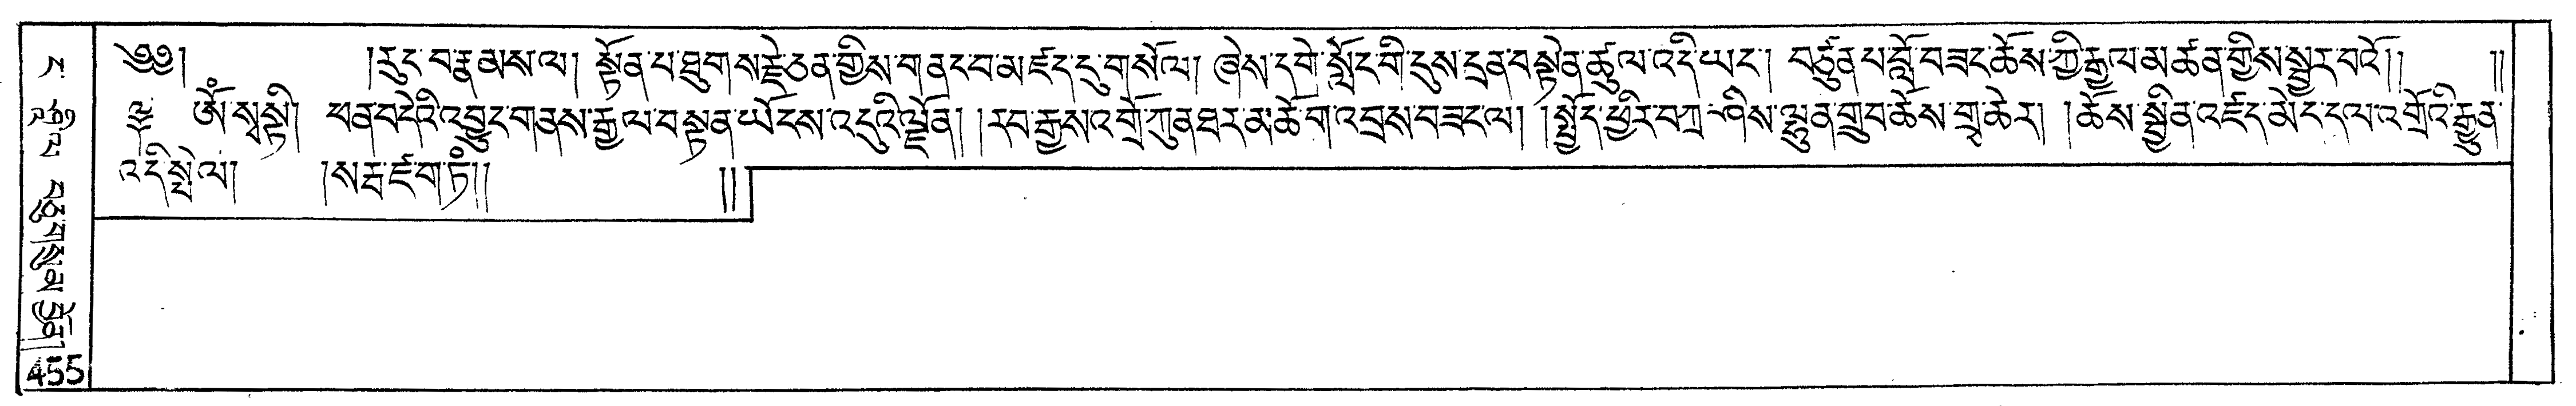༄༅། །རུང་བ་རྣམས་ལ། སྟོན་པ་ཐུགས་རྗེ་ཅན་གྱིས་གནང་བ་མཛད་དུ་གསོལ། ཞེས་དགེ་སློང་གི་དུས་དྲན་བསྟེན་ཚུལ་འདི་ཡང་། བཙུན་པ་བློ་བཟང་ཆོས་ཀྱི་རྒྱལ་མཚན་གྱིས་སྦྱར་བའོ།། །།
༈ ཨོཾ་སྭསྟི། ཕན་བདེའི་འབྱུང་གནས་རྒྱལ་བསྟན་ཡོངས་འདུའི་ལྗོན། །རབ་རྒྱས་འགྲོ་ཀུན་ཐར་མཆོག་འབྲས་བཟང་ལ། །སྤྱོད་ཕྱིར་བཀྲ་ཤིས་ལྷུན་གྲུབ་ཆོས་གྲྭ་ཆེར། །ཆོས་སྦྱིན་འཛད་མེད་དལ་འགྲོའི་རྒྱུན་
འདི་སྤེལ། །སརྦ་ཛ་ག་ཏཾ།། །།